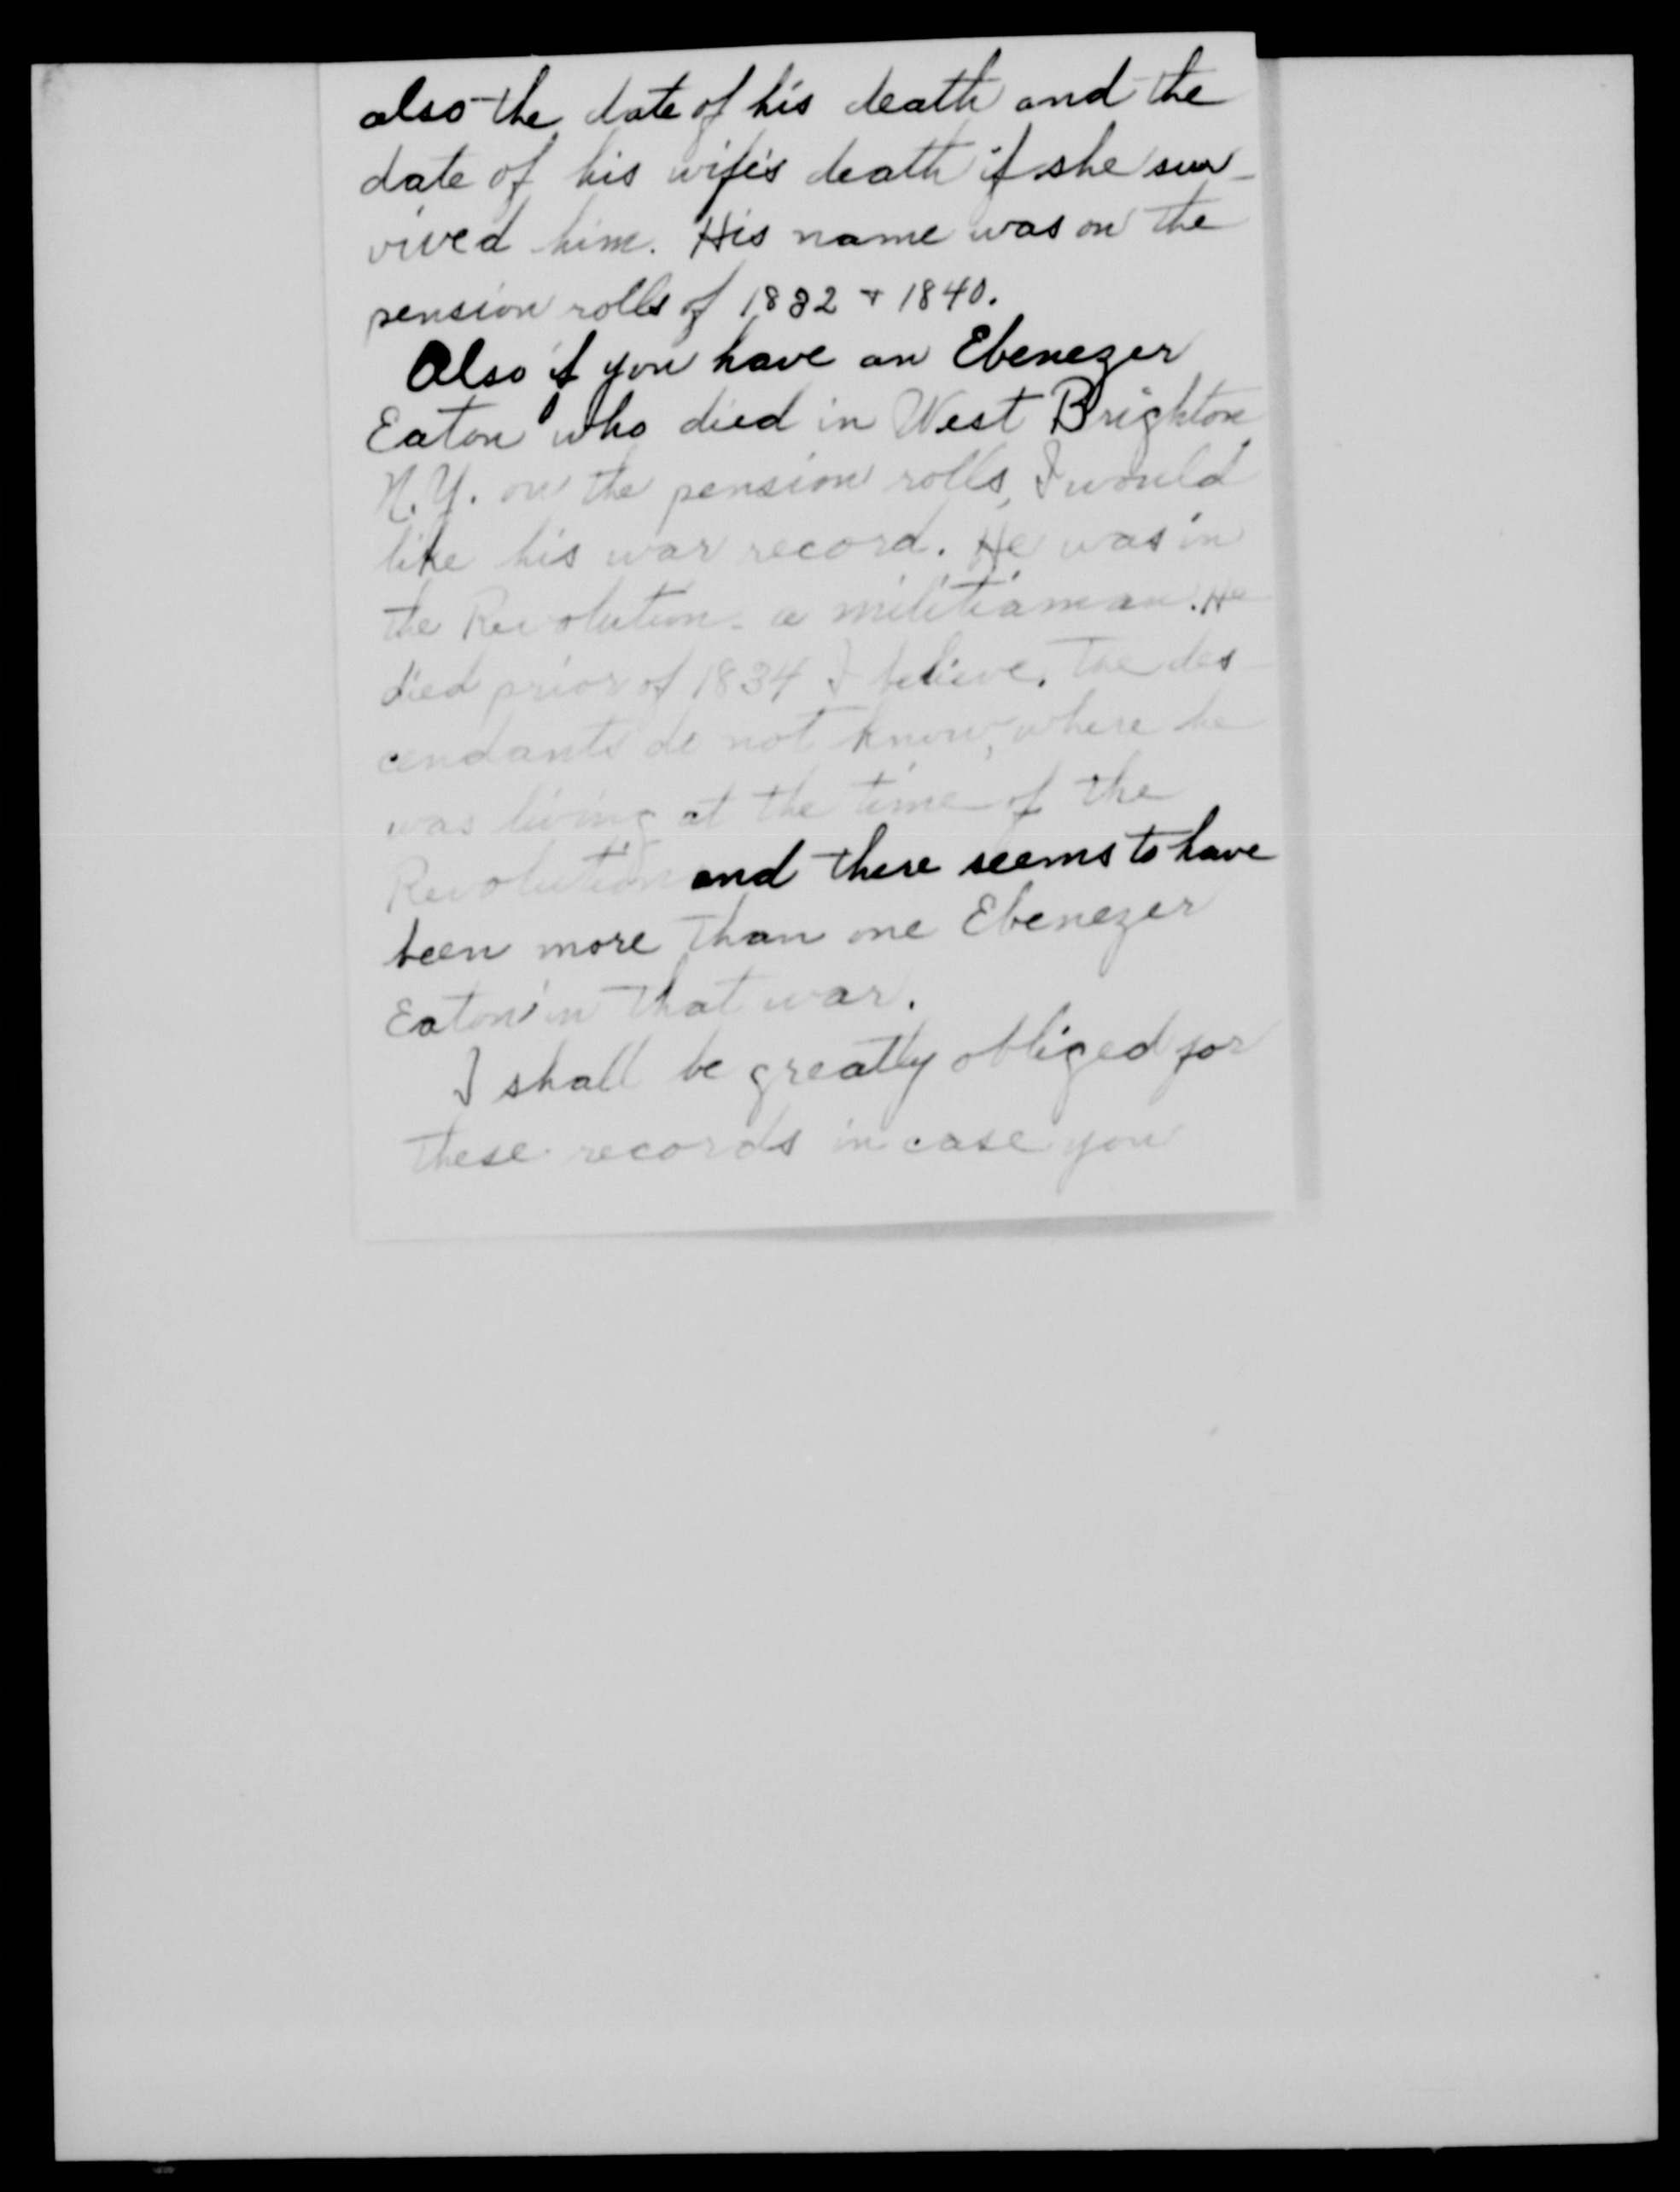also the date of his death and the date of his wife's death if she survived him. His name was on the pension rolls of 1882 & 1840.
Also if you have an Ebenezer Eaton who died in West Brighton N. Y. on the pension rolls, I would like his war record. He was in Revolution a militianman. He died prior of 1834 I believe. The descendants do not know, where he was living at the time of the Revolution and there seems to have been more than one Ebenezer Eaton in that war. 
I shall be greatly obliged for these records in case you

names: Ebenezer Eaton; Ebenezer Eaton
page: 37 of 70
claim: rejected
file: R. 10,026, for Ephraim Squier, Connecticut